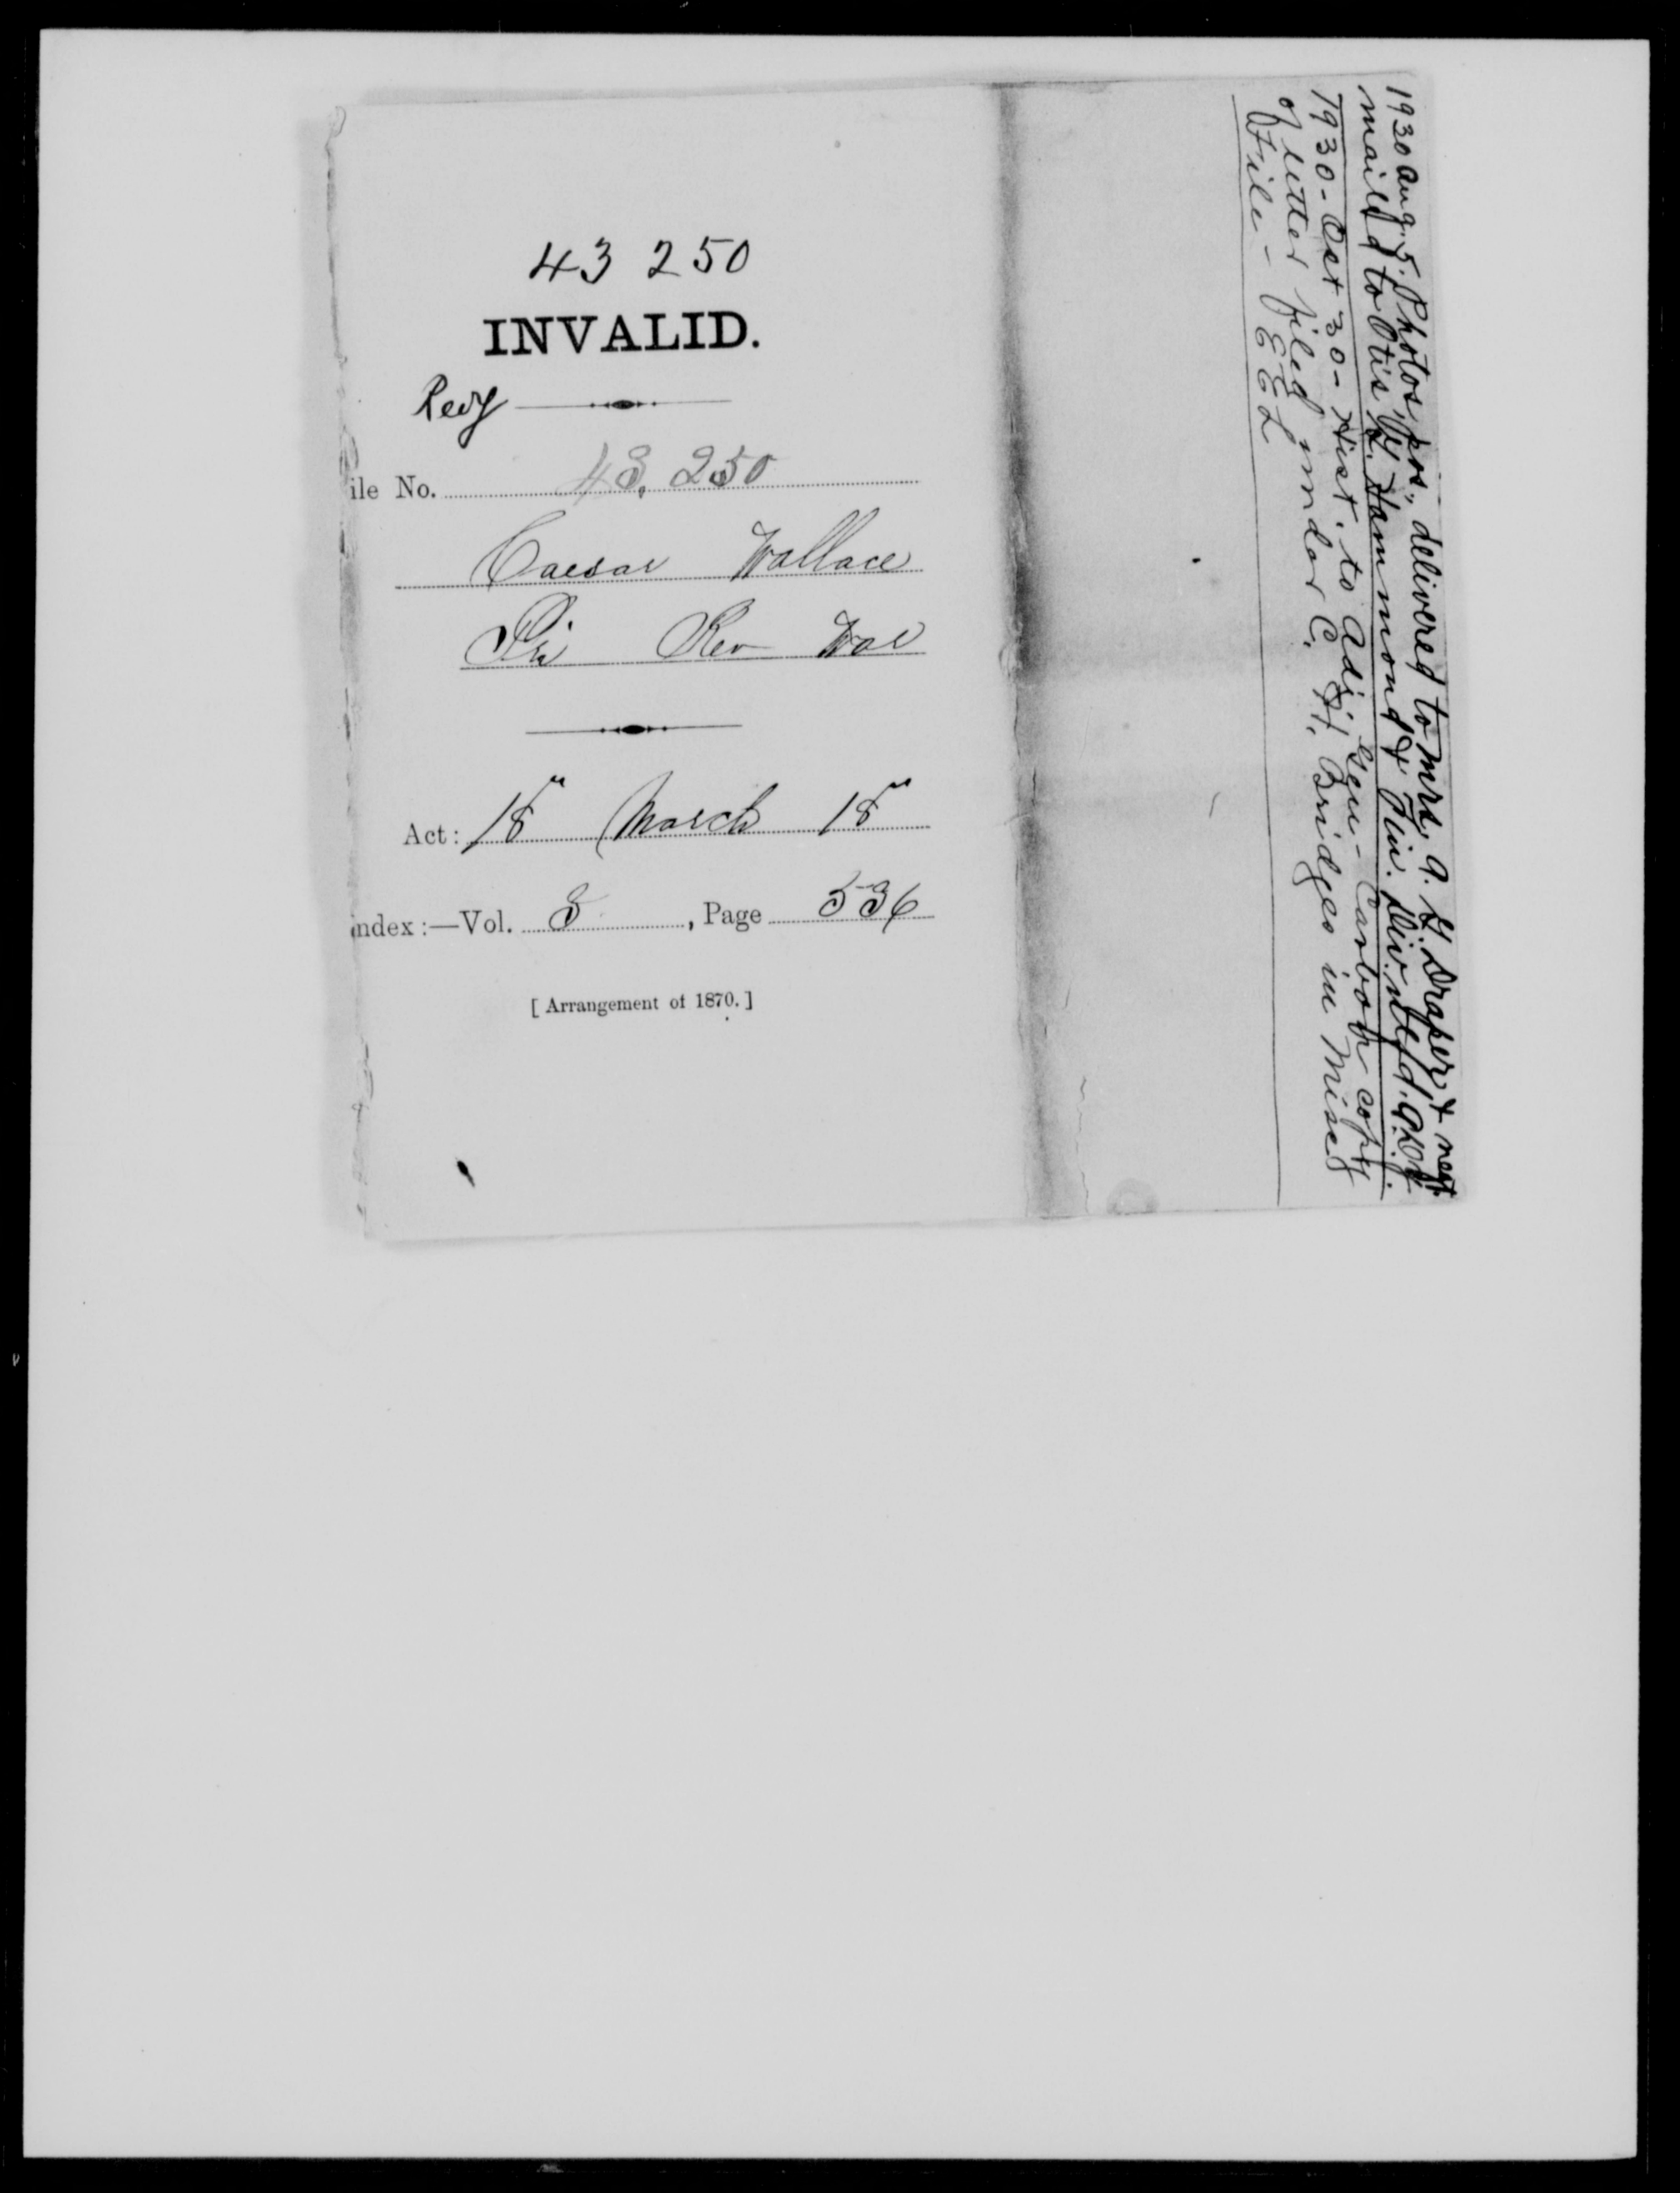43 250

INVALID.

Revy [Revolutionary]

[F]ile No. 43,250

Caesar Wallace
Pri Rev [Private Revolutionary] War

Act : 18 March 18

Index :--Vol. 5, Page 536

[ Arrangement of 1870. ]

1930 Aug. [August] 5, Photos, pos., delivered to Mrs. A.G. Draper & [next??] mailed to Otis G. Hammond & [Fin.??] Div. [illegible] A.D.Y.

1930 - Oct [October] 30 - Hist. [History] to Adj. Gen - Carbon copy of letter filed under C. H. Bridges in Mise File - EEL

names: C H Bridges, A G Draper, Otis G Hammond, Caesar Wallace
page: 9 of 9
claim: survivor's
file: S. 43,250, Caesar Wallace, N.H.